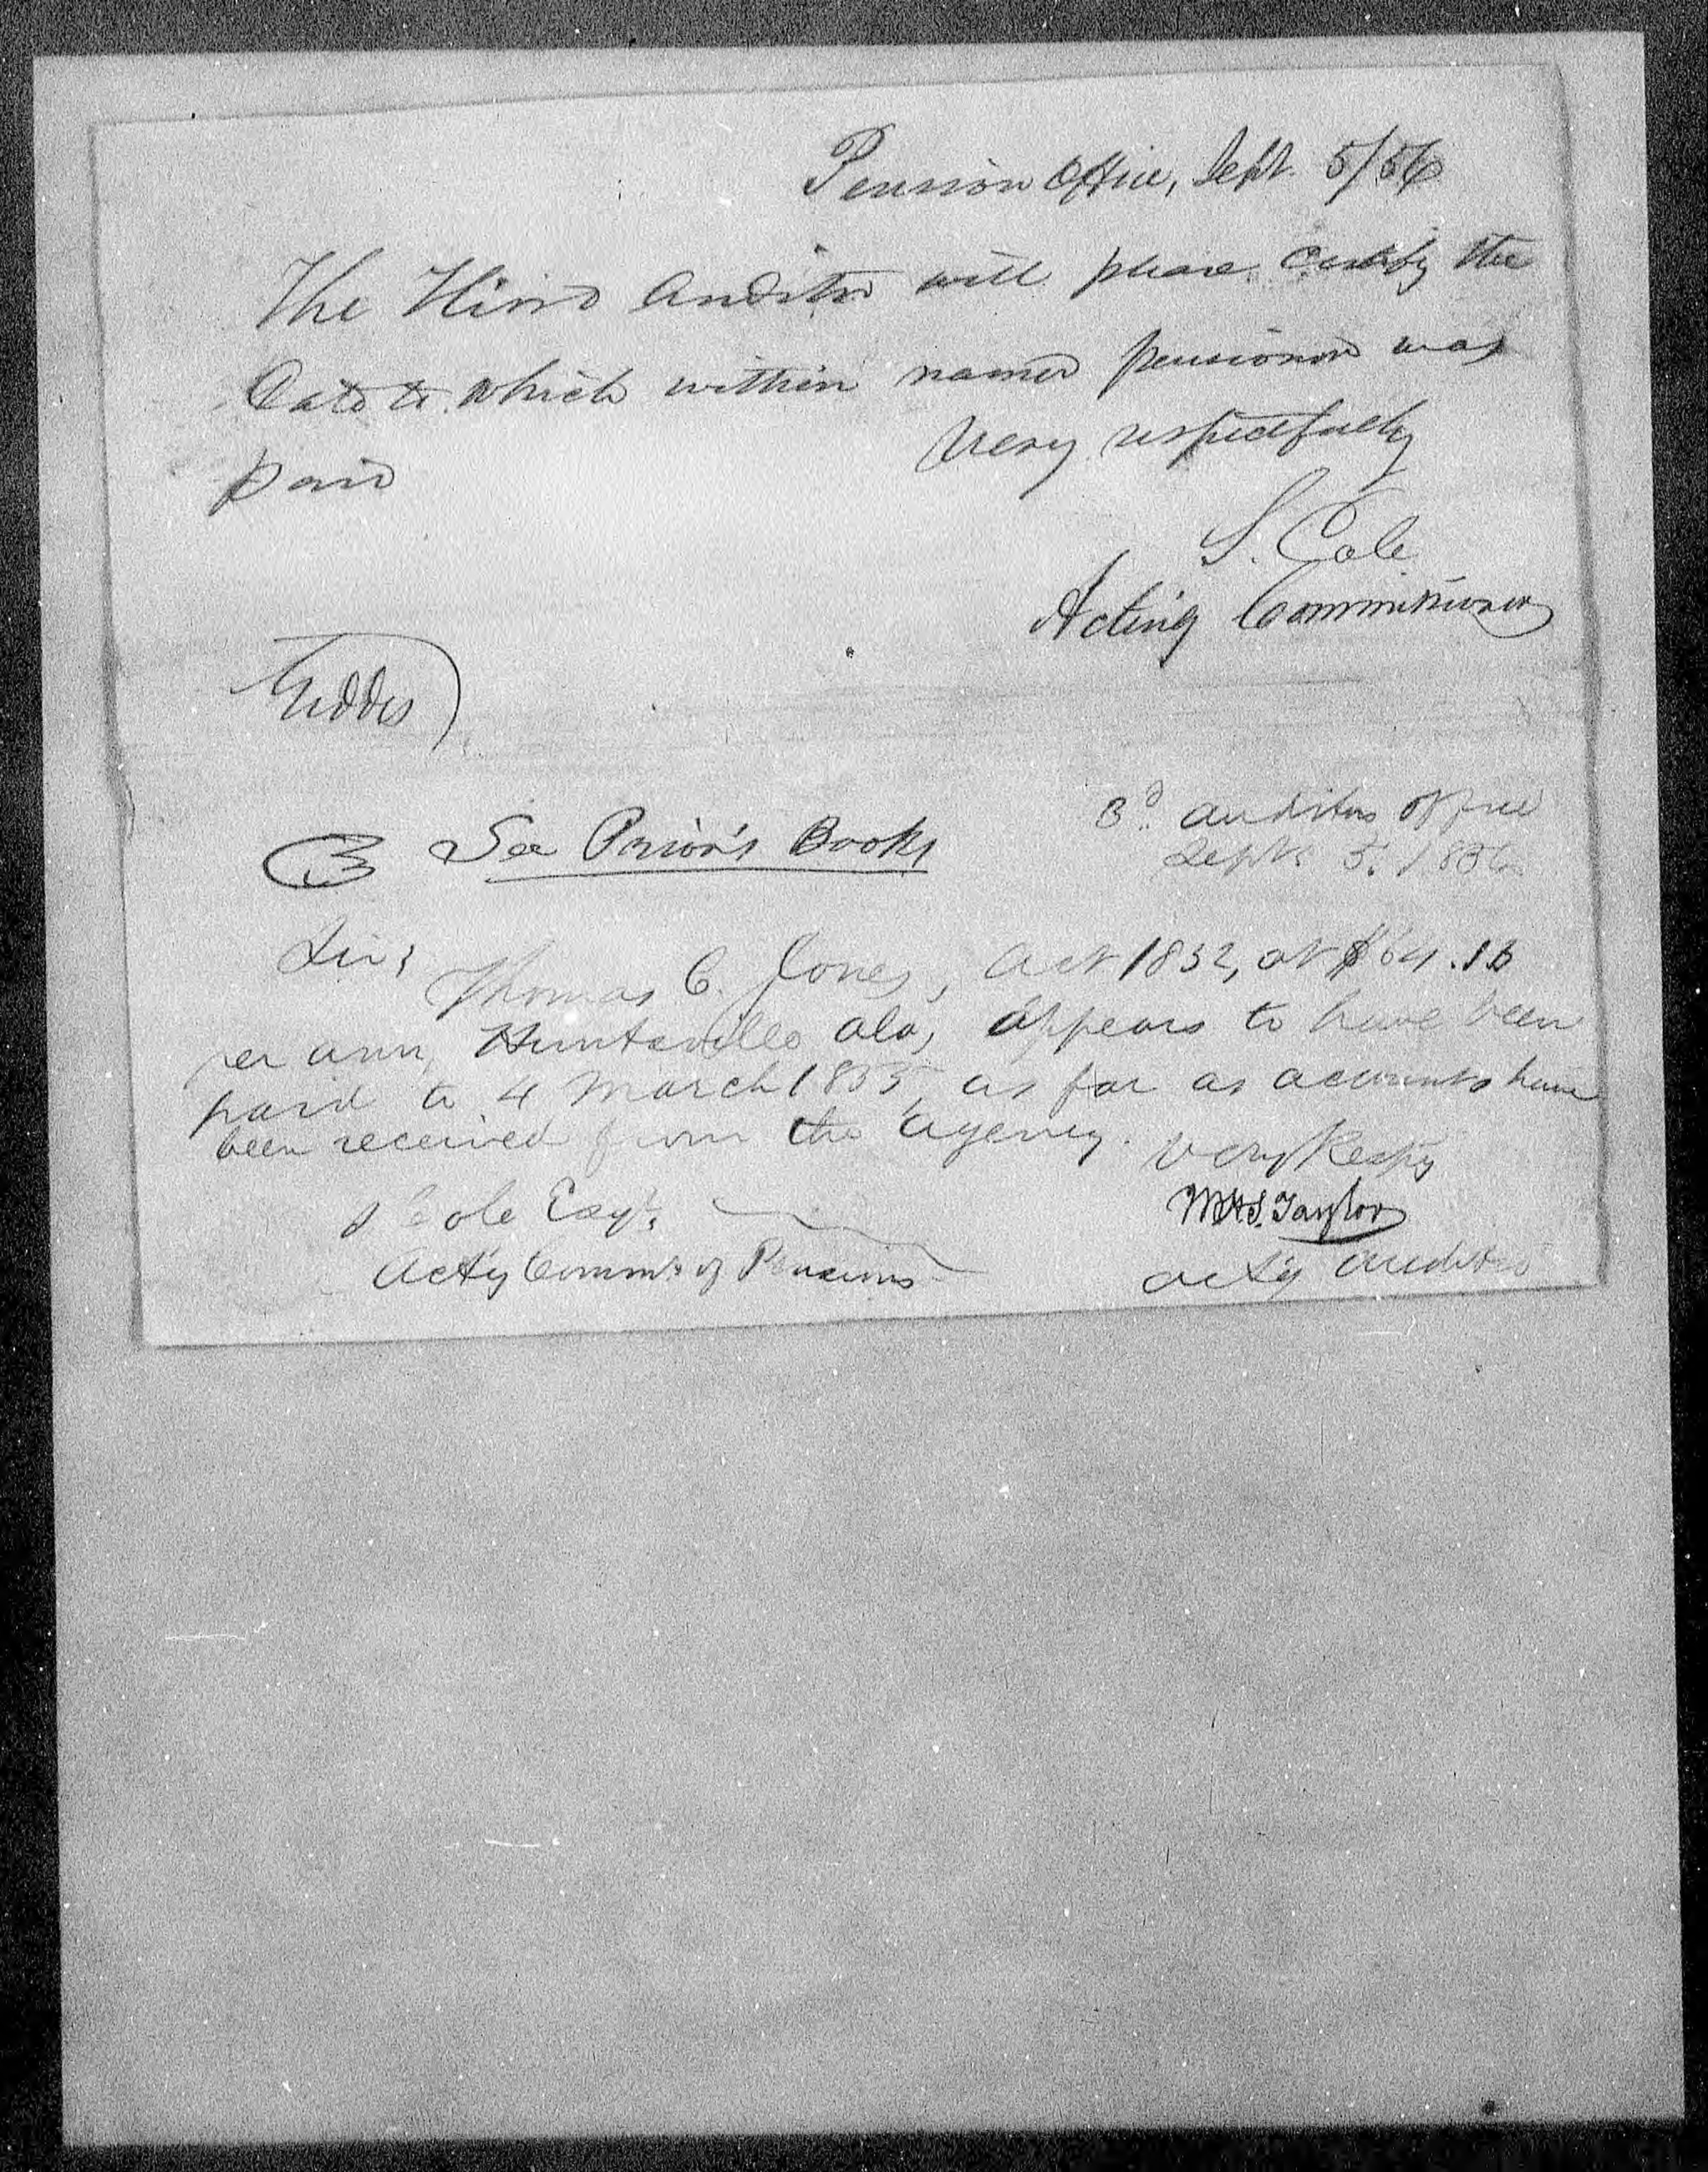Pension Office, Sept. 5/56
The [illegible] and [illegible] will please certify the
date to which written named pensioner was 
paid
very respectufully 
J. Cole
Acting Commissioner

See Pension's Book
B2 auditors office
Sept 5 1856

Sir:
Thomas C. Jones, Act 1832, at $64.16
per annum Huntsville Ala, appears to have been
paid to 4 March 1855 as far as accounts have
been received from the agency.
very respectfully
J Cole Esp.
Acting Comm. of Pensions

Mrs. Taylor
acting [illegible - accounts, credits, auditor?]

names: Thomas C Jones; S Cole; M K S Taylor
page: 30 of 45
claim: widow's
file: W. 26160, for Thomas C Jones, Georgia